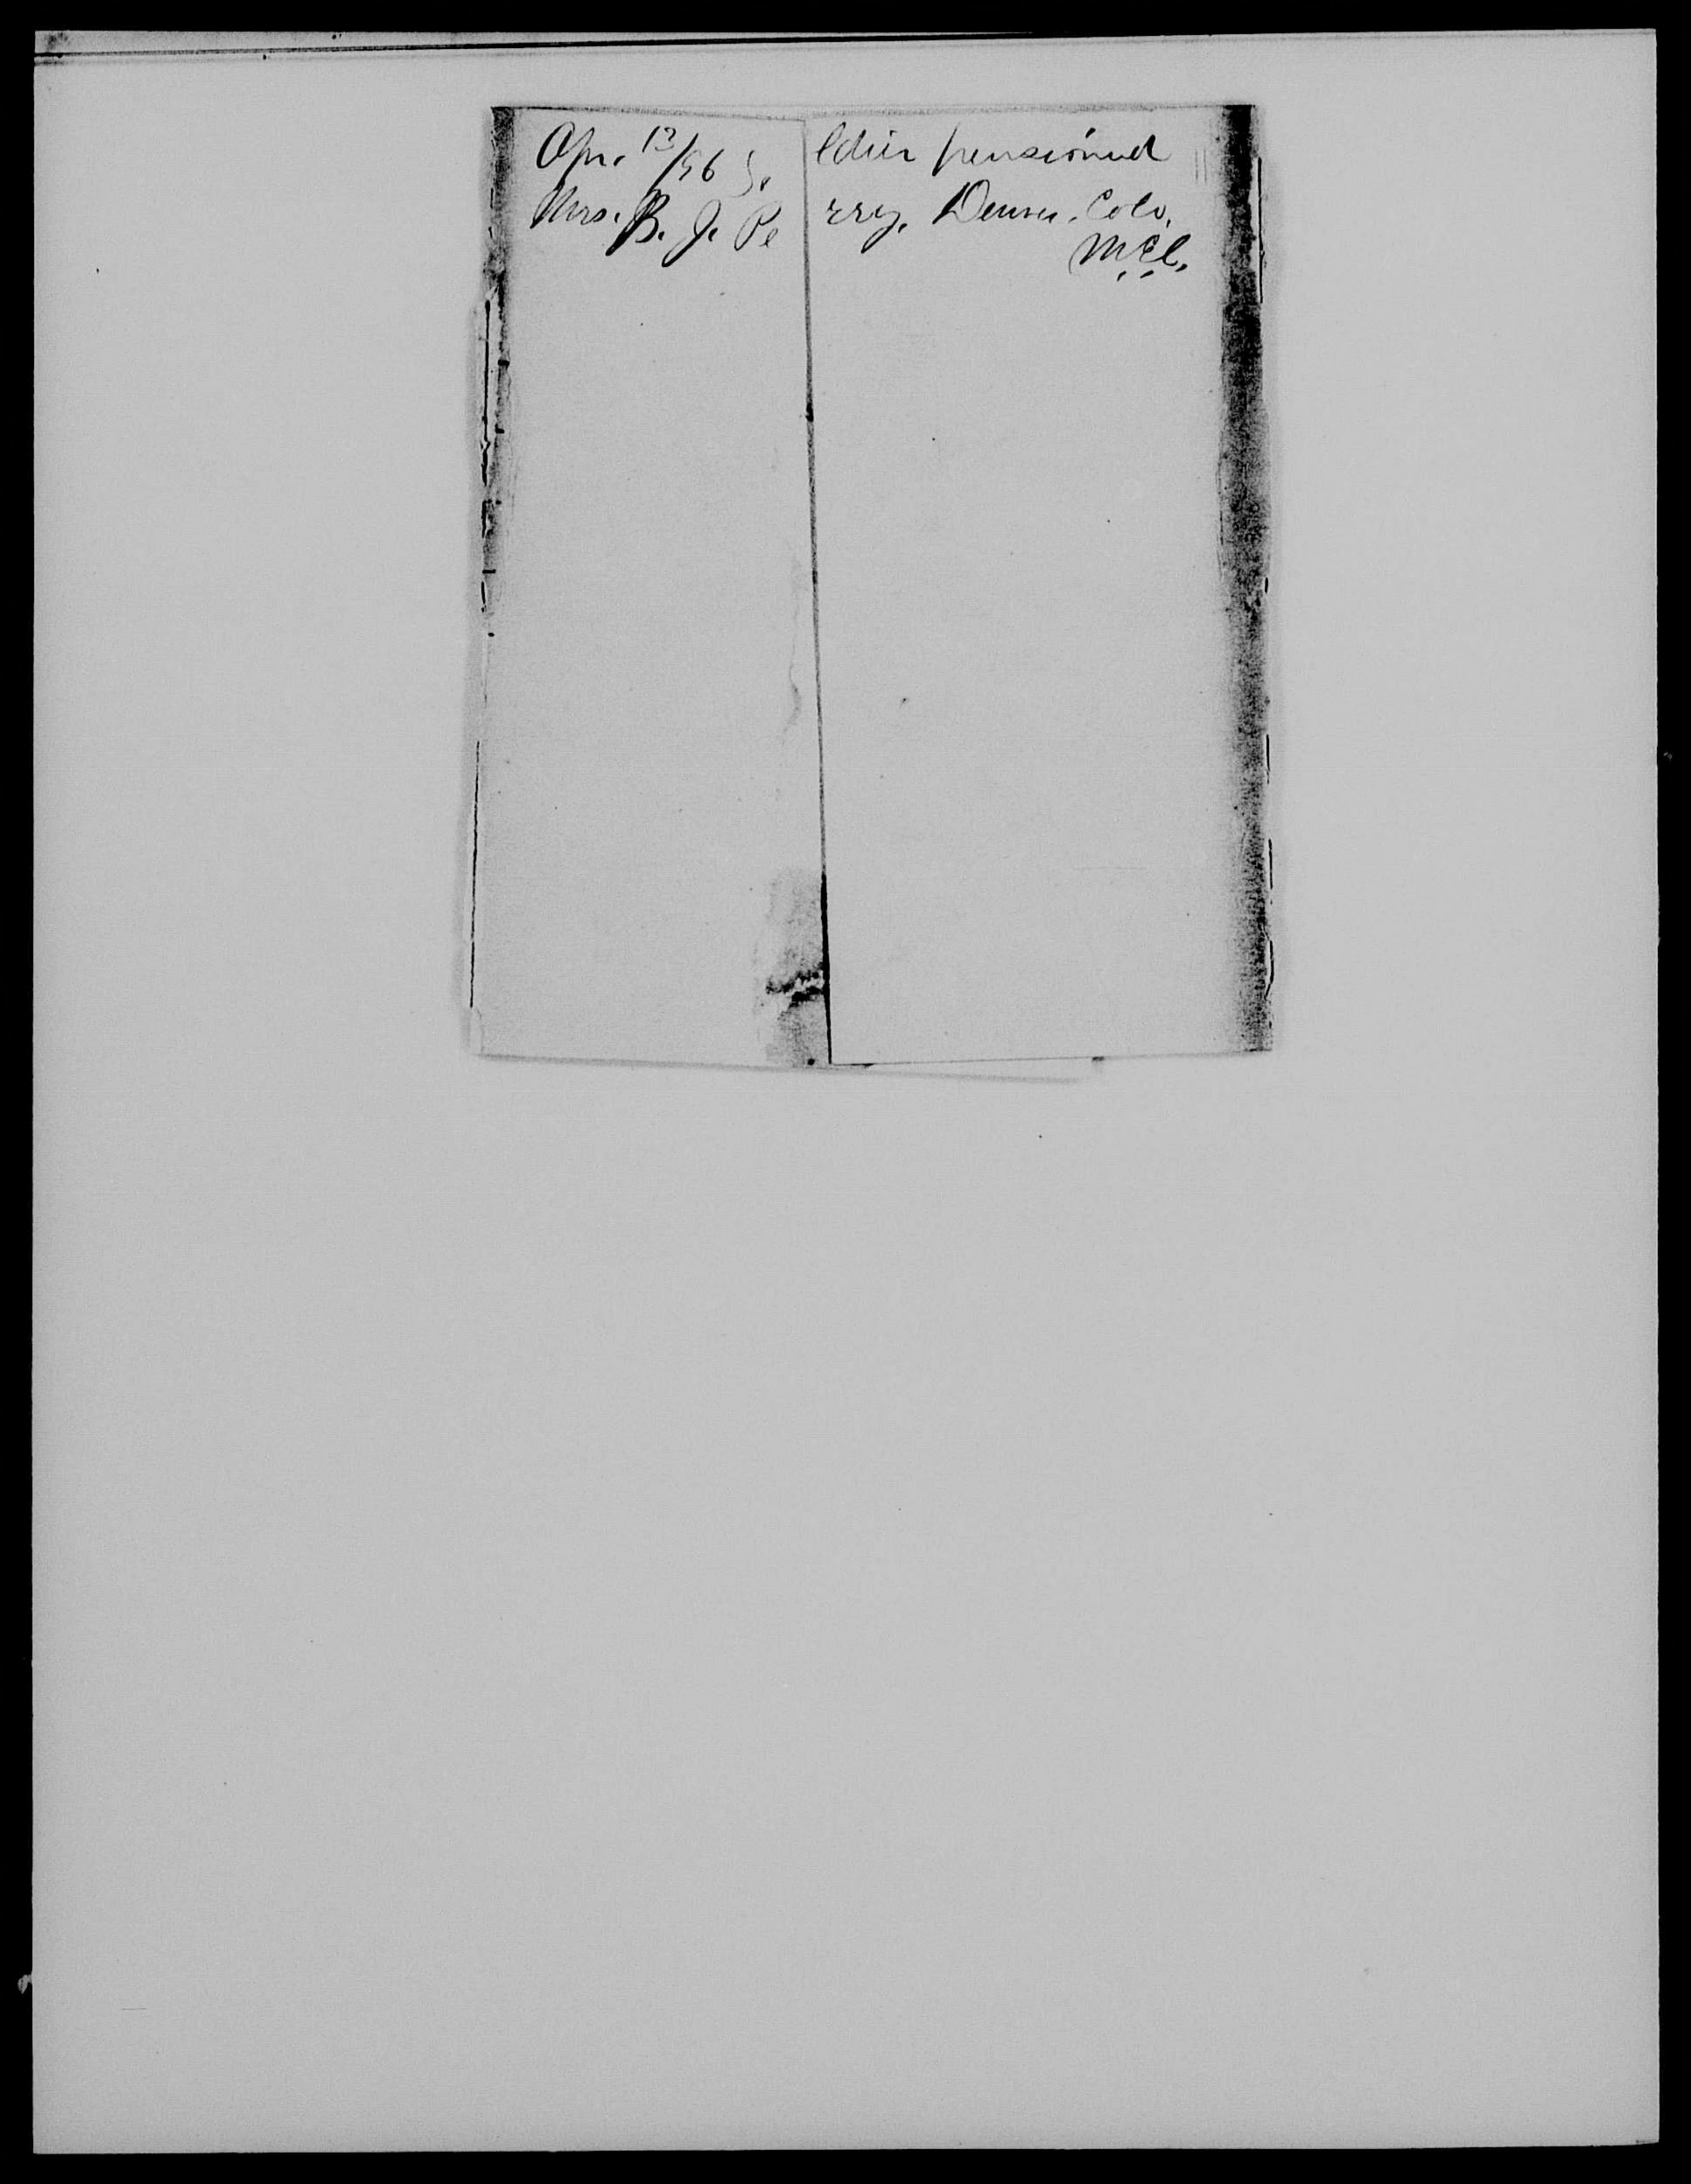Apr. 13/96  Soldier pensioned
Mrs. B. J. Perry, Denver, Colo
M.E.L.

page: 41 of 41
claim: widow's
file: W 26507, for Church Tabor, Massachusetts